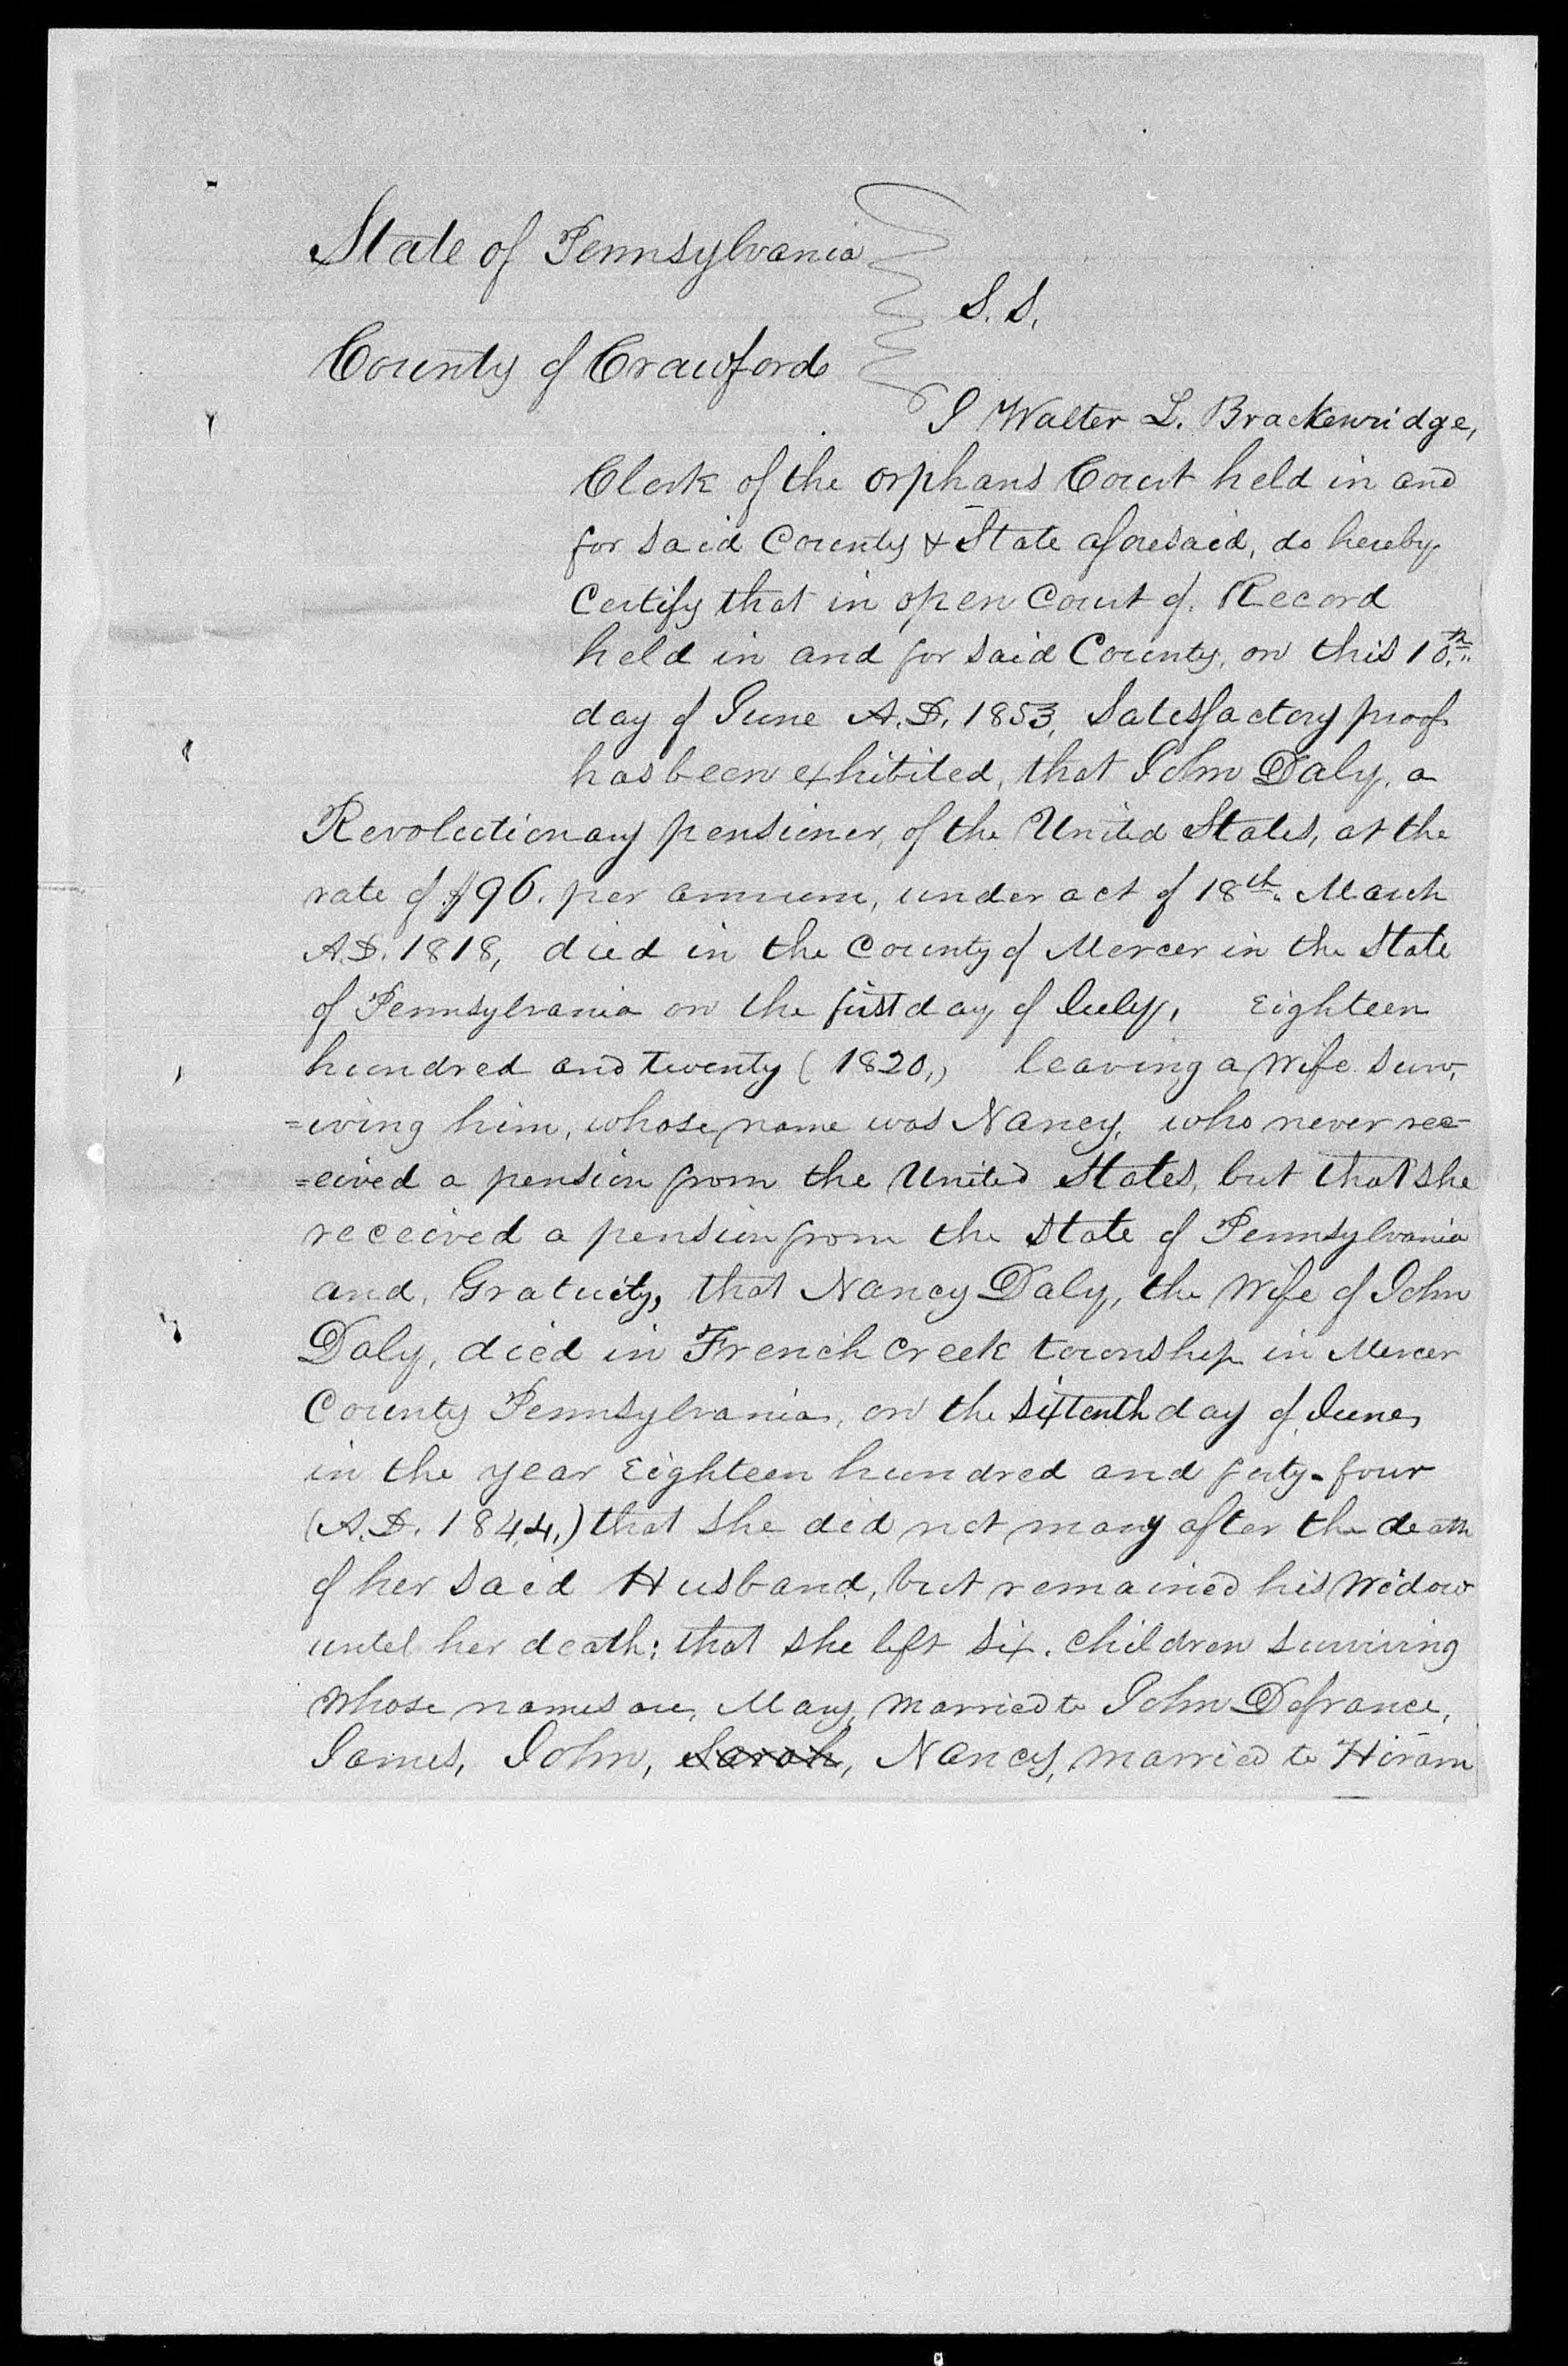State of Pennsylvania
County of Crawford 
S.S.

I Walter L Brackenridge, clerk of the orphans court held in and for said county & state aforesaid, do hereby certify that in open court of record held in and for said county, on this 10th day of June A.D. 1853, satisfactory proof has been exhibited, that John Daly, a Revolutionary pensioner of the United States, at the rate of $96 per annum, under act of 18th March A.D.1818, died in the county of Mercer in the State of Pennsylvania on the first day of July, eighteen hundred and twenty (1820,) leaving a wife surviving him, whose name was Nancy, who never received a pension from the United States, but that she received a pension from the State of Pennsylvania and Gratuity, that Nancy Daly, the wife of John Daly, died in French Creek township in Mercer County Pennsylvania, on the sixteenth day of June in the year eighteen hundred and forty-four (A.D. 1844,) that she did not marry after the death of her said husband, but remained his widow until her death; that she left six children surviving whose names are Mary, married to John Defrance, James, John, Nancy, married to Hiram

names: Nancy Daly, John Daly, Mary, Mary, Sarah, Walter L Brackenridge, Hiram, Nancy, Nancy, James, John Defrance, John Daly, John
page: 14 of 63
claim: widow's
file: W. 3228, John Daly, Penn.